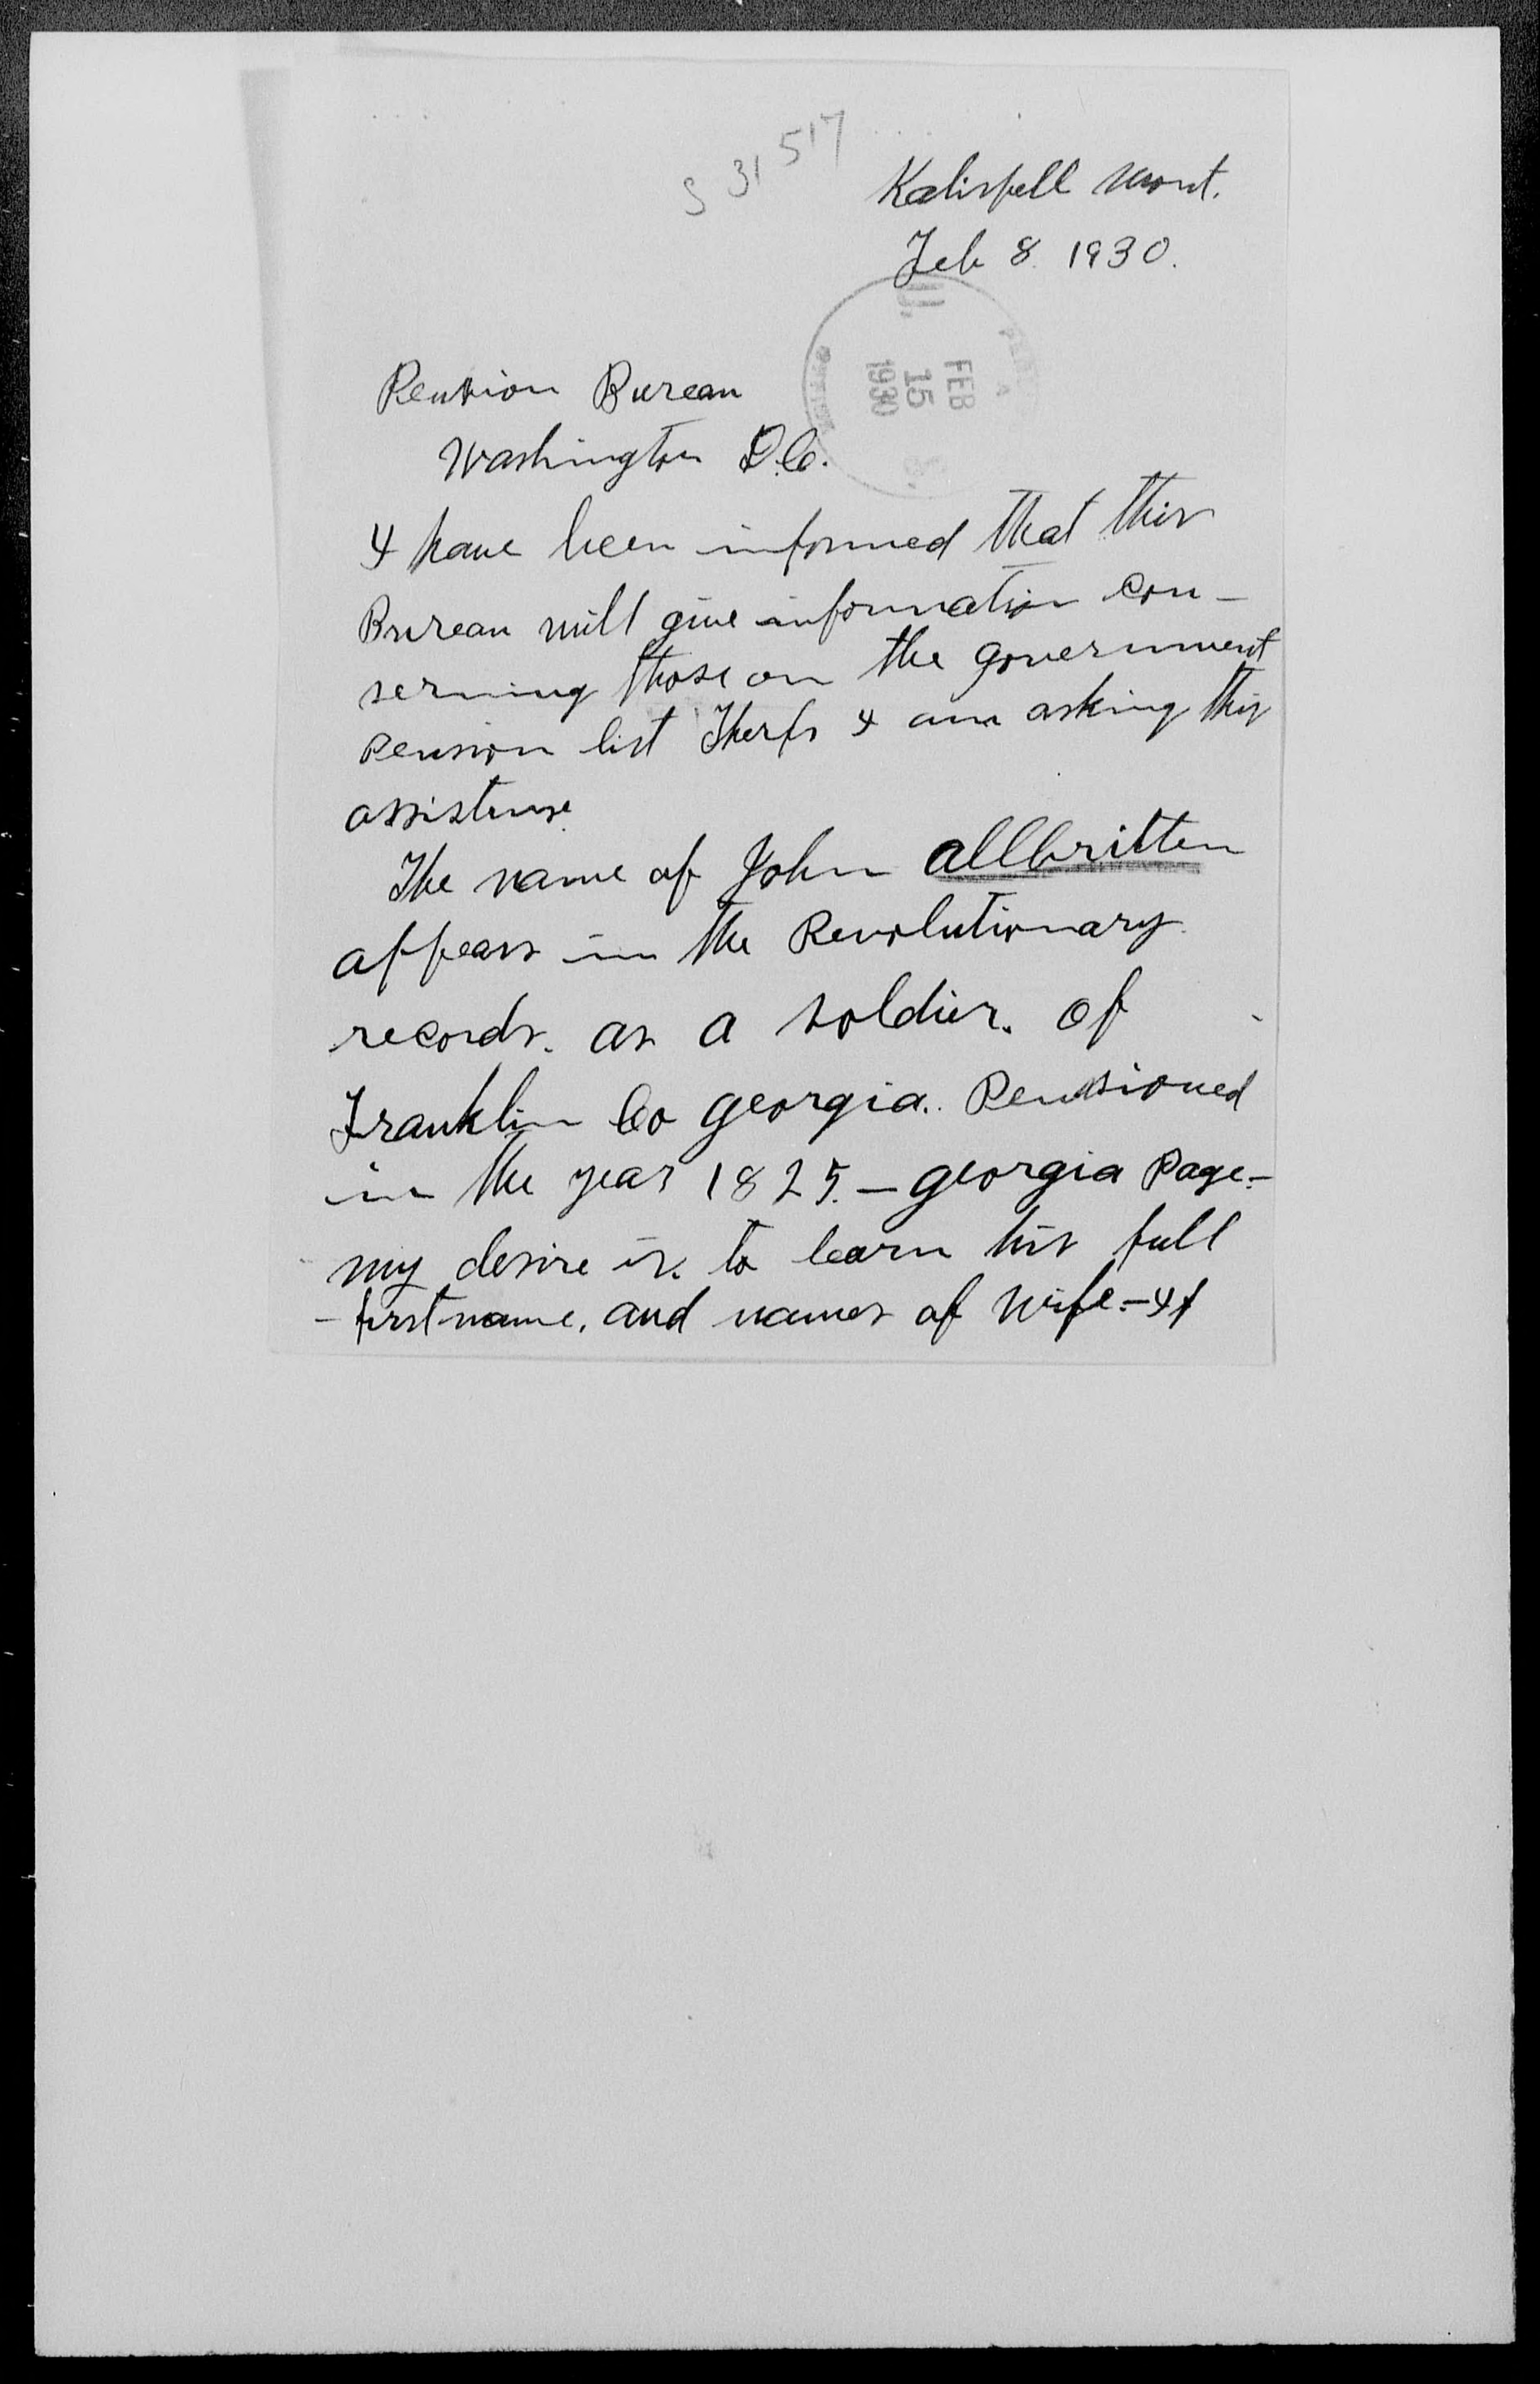Kalispell Mont.
Feb 8 1930
[date stamp U. S. Pension Office Feb 15 1930]
Pension Bureau
Washington D. C.
I have been informed that this Bureau will give information concerning those on the government pension list. Therefore I am asking for assistance.
The name of John Allbritten appears in the Revolutionary records as a soldier of Franklin Co Georgia. Pensioned in the year 1825 - georgia Page - my desire is to learn his full first name and names of wife - If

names: John Allbritten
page: 19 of 22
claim: survivor's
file: S. 31,517, John Allbritton, S.C.